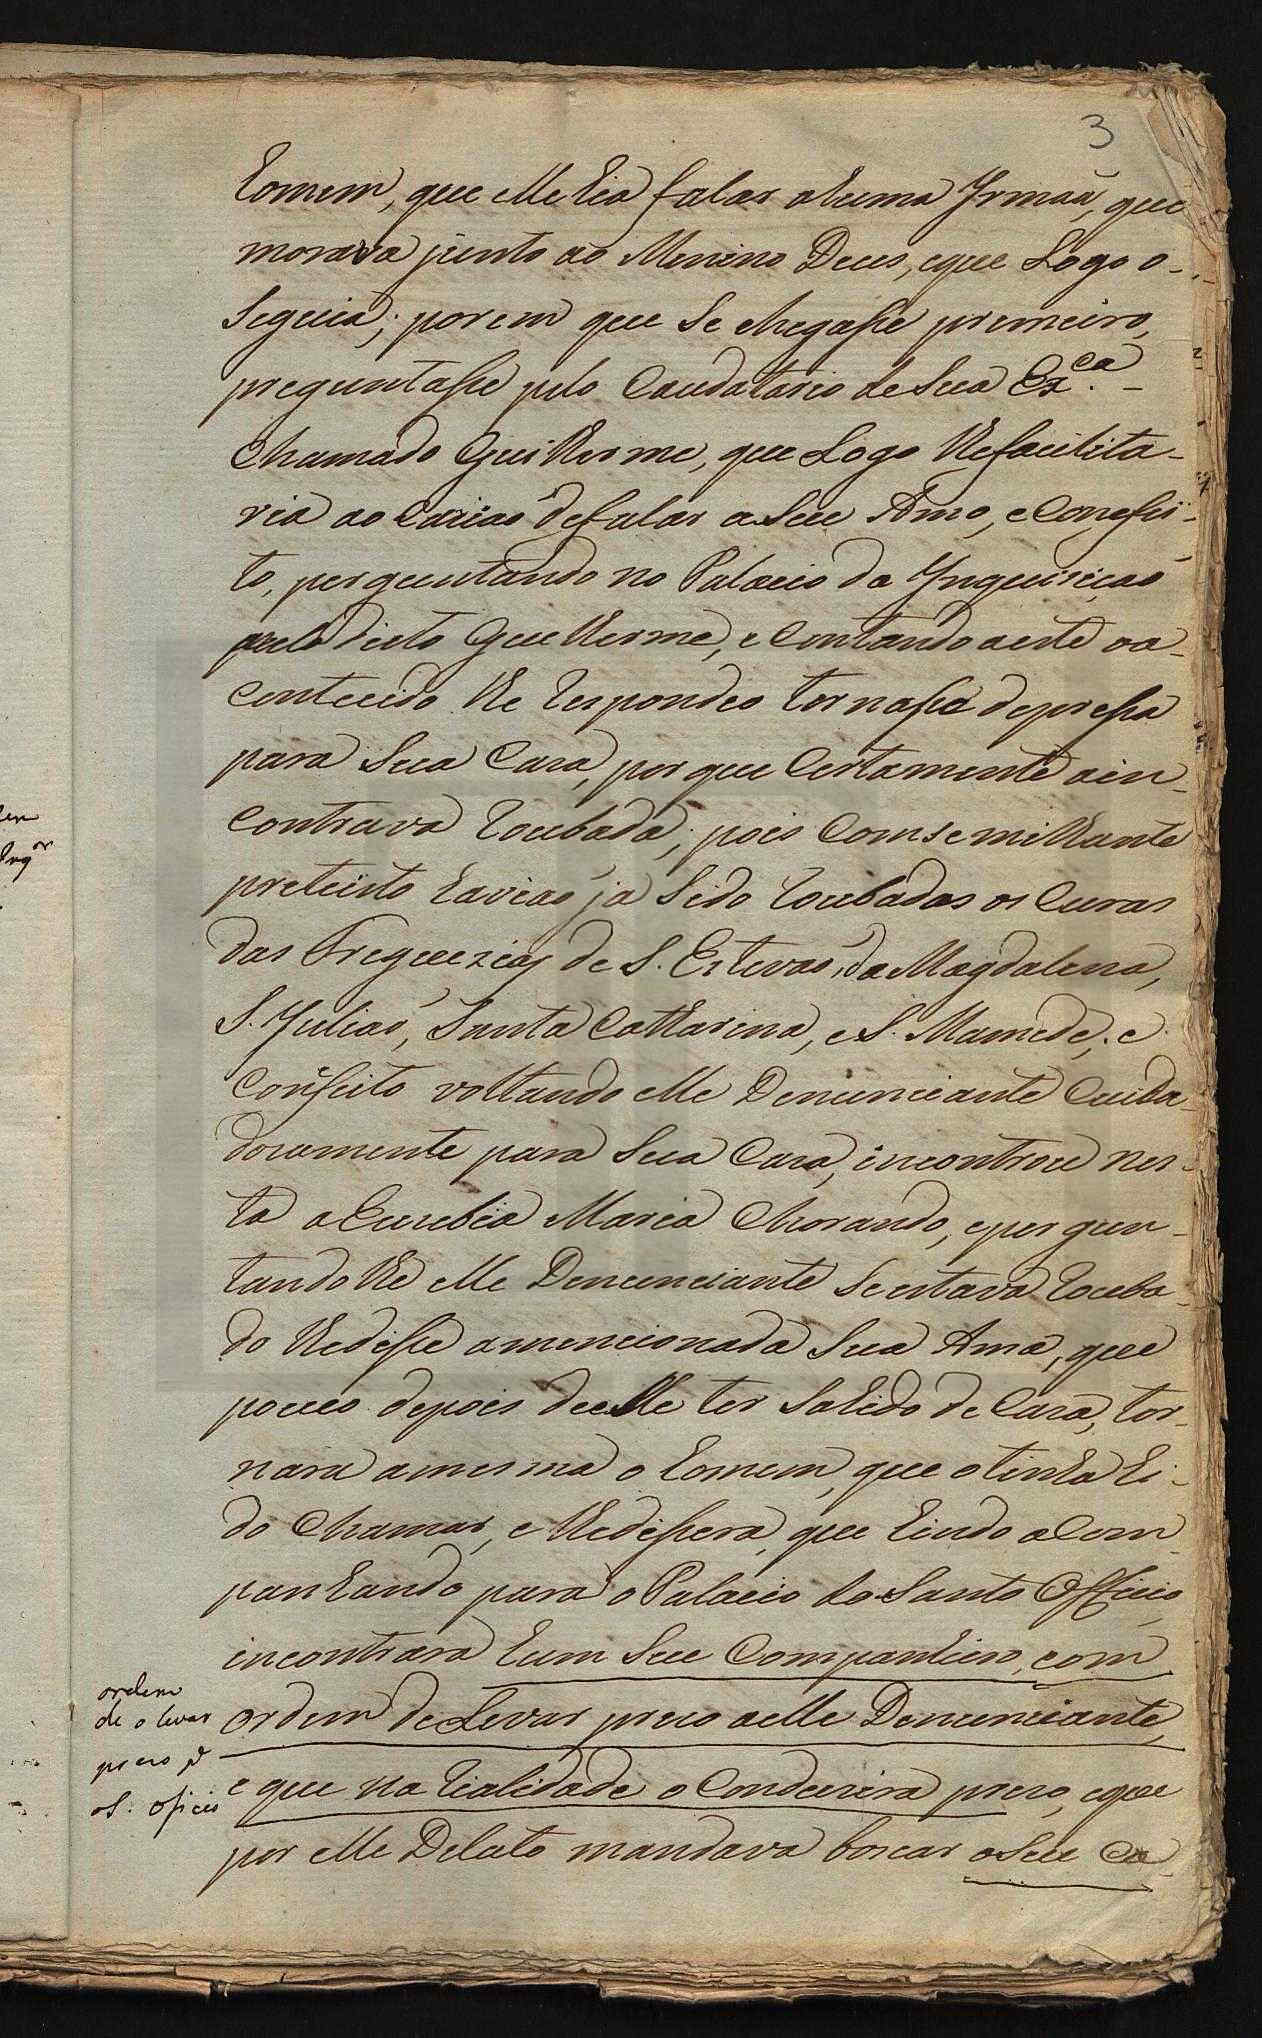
ordem
de o levar
prezo pa
o S. oficio
homem, que elle hia falar a huma Jrmaã, que
morava junto ao Menino Deus, e que Logo o
Seguia; porem que Se chegasse premeiro,
preguntasse pelo caudatario de Sua Ex.ca
chamado Guilherme, que Logo lhe facilita
ria a ocaziaõ de falar a seu Amo, e con efei
to, perguntando no Palacio da Jnquisiçaõ
pelo dicto Guilherme, e contando a este o a
contecido lhe Respondeo tornasse depressa
para Sua caza, porque certamente a in
contrava Roubada, pois com semilhante
preteisto haviaõ ja Sido Roubados os curas
das Freguezias de S. Estevaõ, da Magdalena,
S. Juliaõ, Santa Catharina, e S. Mamede, e
Conefeito voltando elle Denunciante cuida
dozamente para Sua caza, incontrou nes
ta a Euzebia Maria chorando, e pergun
tandolhe elle Denunciante se estava Rouba
do lhe disse a mencionada Sua Ama, que
pouco depois de elle ter Sahido de caza, tor
nara a mesma o homem, que o tinha hi
do chamar, e lhe dissera, que hindo acom
panhando para o Palacio do Santo Officio,
incontrara hum Seu Companheiro, com
ordem de Levar prezo a elle Denunciante,
e que na Rialidade o conduzira prezo, e que
por elle Delato mandava boscar o seu ca
